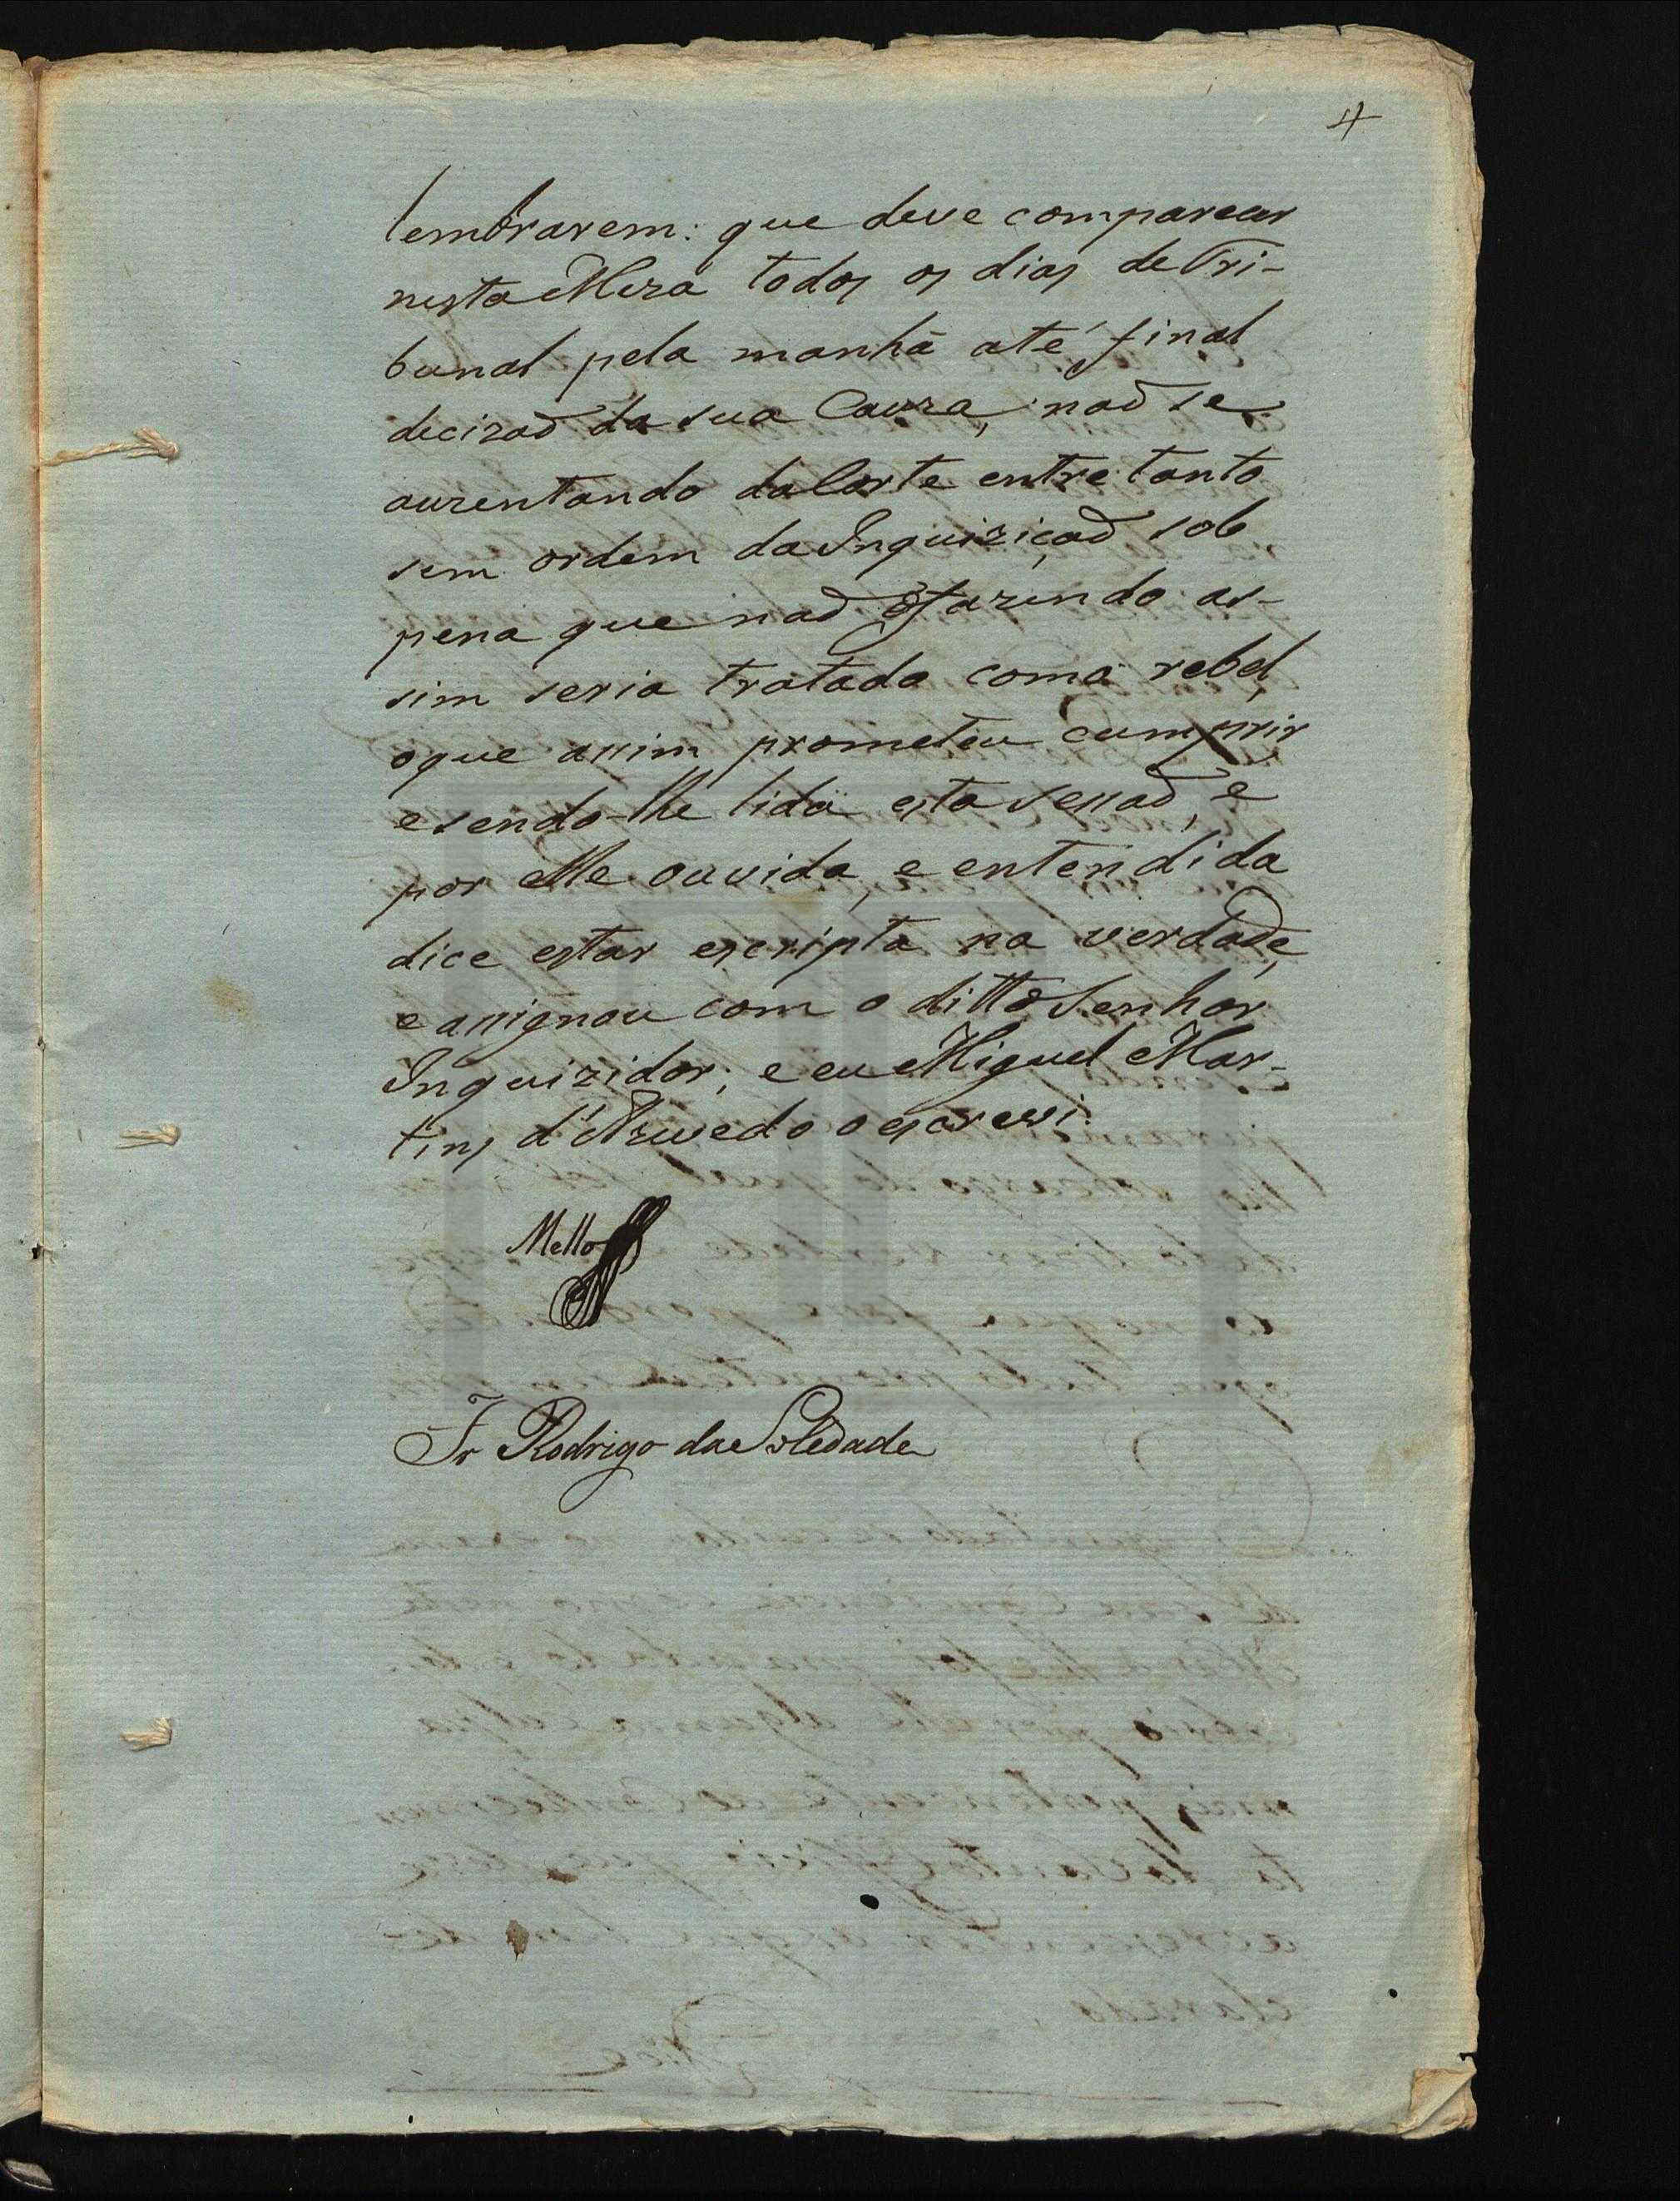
lembrarem que deve comparecer
nesta Meza todos os dias de Tri
bunal pela manhã até final
decizaõ da sua Cauza, não se
auzentando da Corte entretanto
sem ordem da Inquizição sob
pena que naõ o fazendo as
sim seria tratado como rebel
o que assim prometeu cumprir
e sendo-lhe lida esta sessaõ, e
por elle ouvida, e entendida
dice estar escripta na verdade
e assignou com o ditto Senhor
Inquizidor; e eu Miguel Mar
tins d'Oliveira o escrevi
Mello
Fr Rodrigo da Soledade
